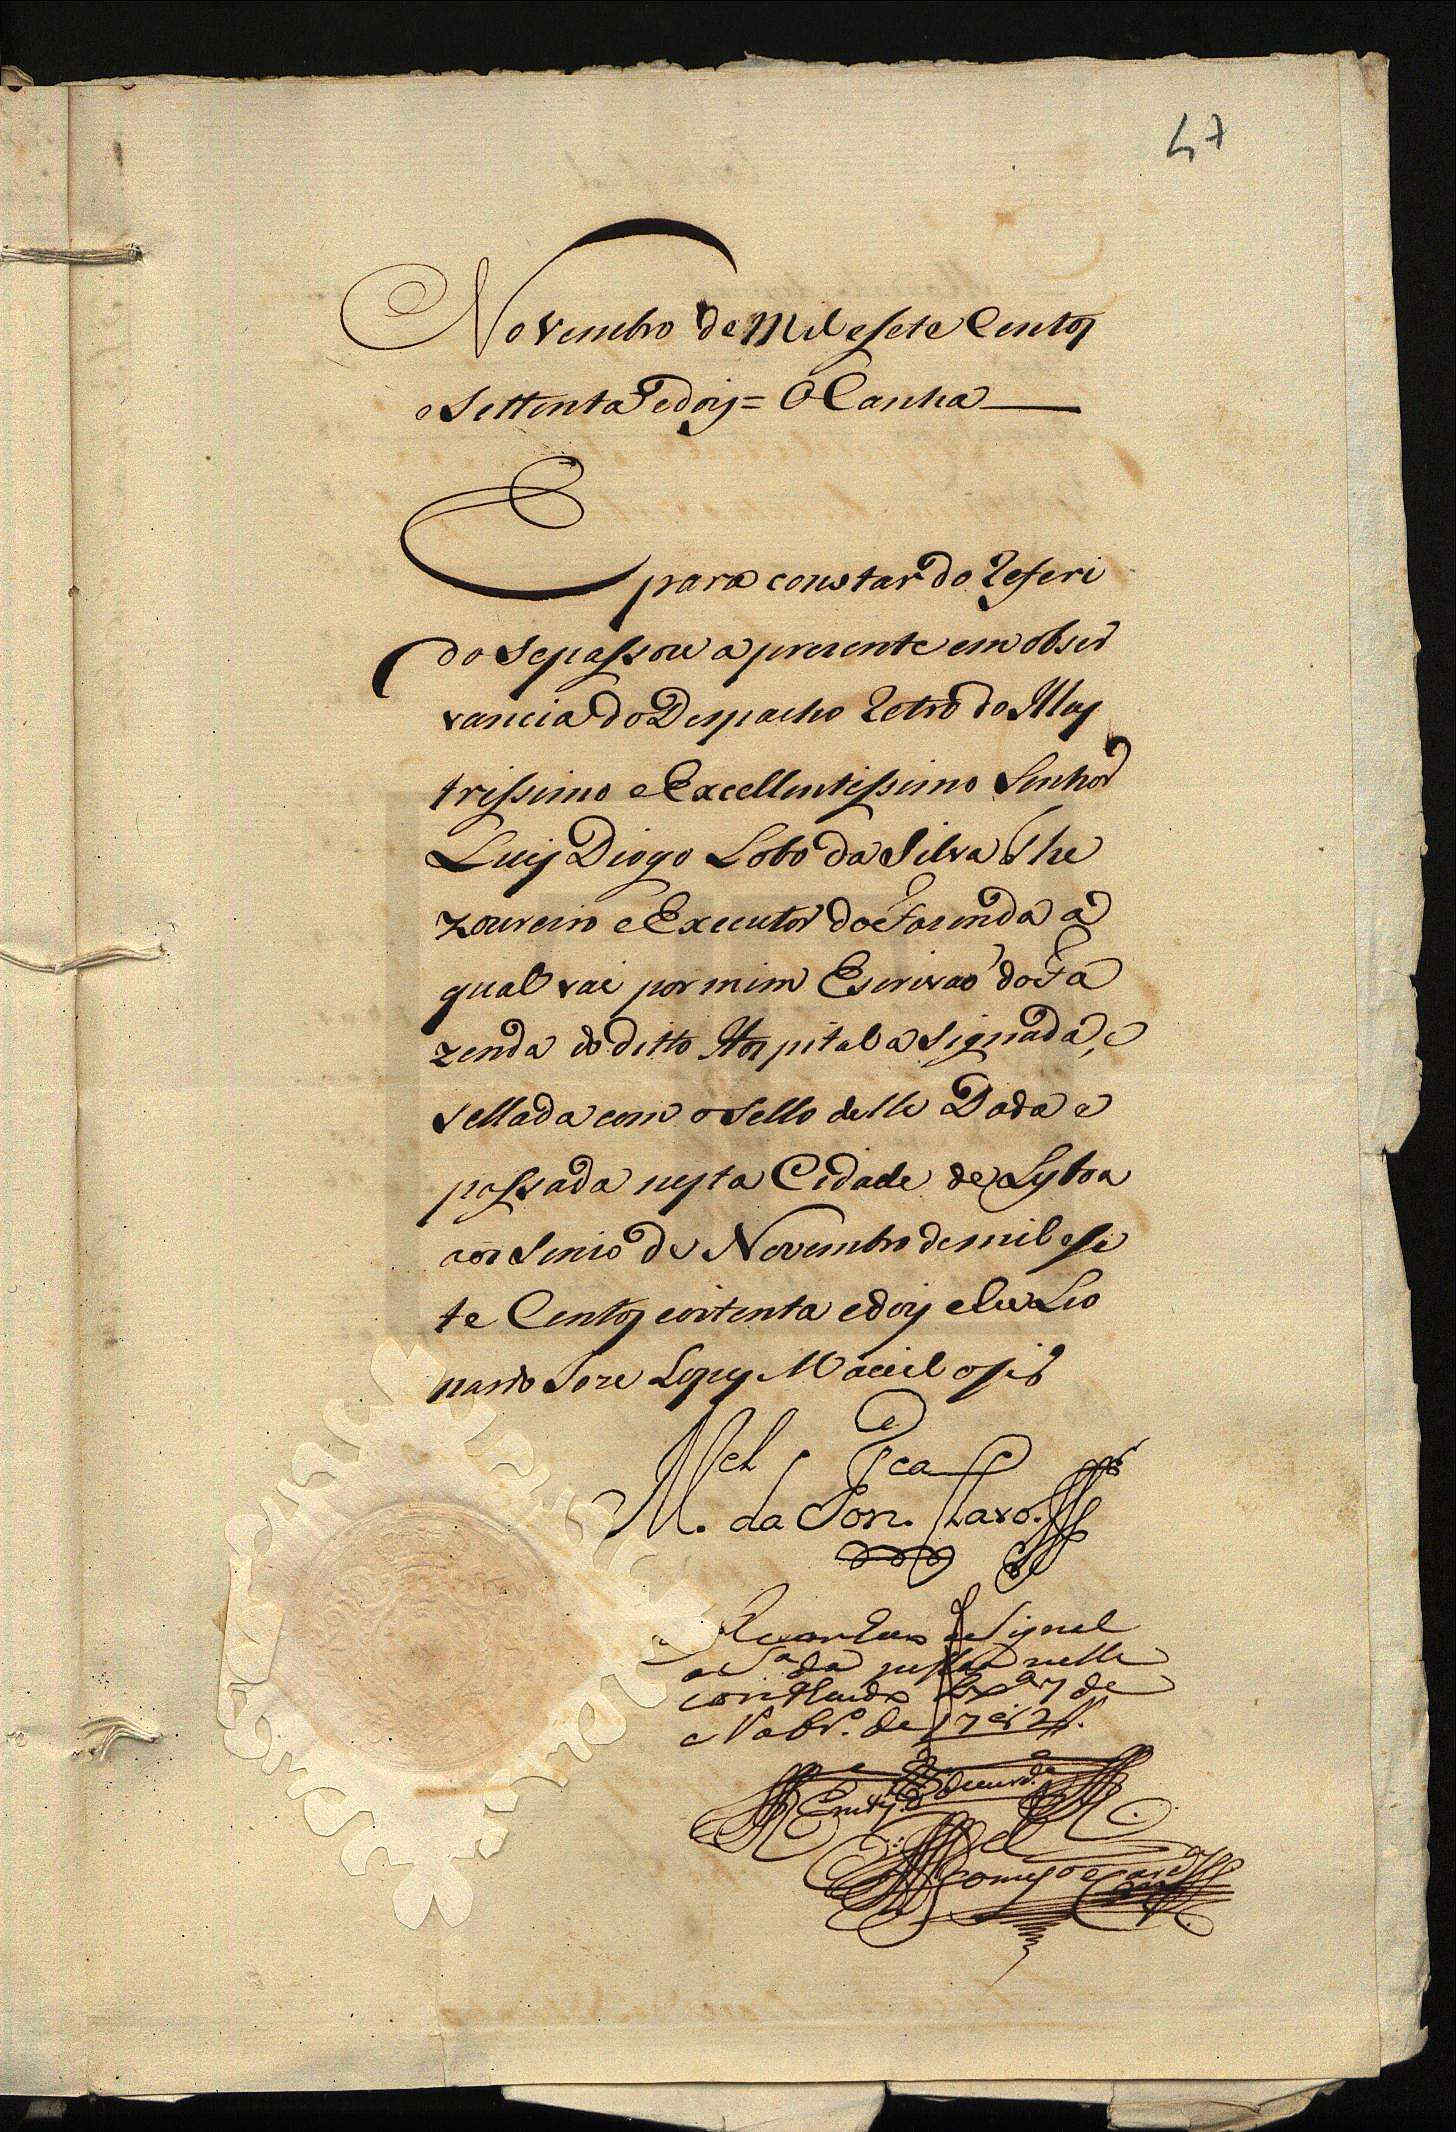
Novembro de mil e seteCentos
e settenta e dois= OCanha
E para constar do Referi
do se passou a presente em obser
vancia do Despacho Retro do Illus
trissimo e Excellentissimo Senhor
Luis Diogo Lobo da Silva The
zoureiro e Executor da Fazenda a
qual vai por mim Escrivaõ da Fa
zenda do ditto Hospital asignada, e
sellada com o sello delle Dada e
passada nesta Cidade de Lisboa
aos Sinco de Novembro de mil se
teCentos e oitenta e dois e Eu Leo
nardo Ioze Lopes Maceil o fis
M.el da Fon.ca Claro.
Reconheço o Signal
e S.o da pessa nelle
contheudo Lx.a 7 de
Nobr.o de 1782//.
